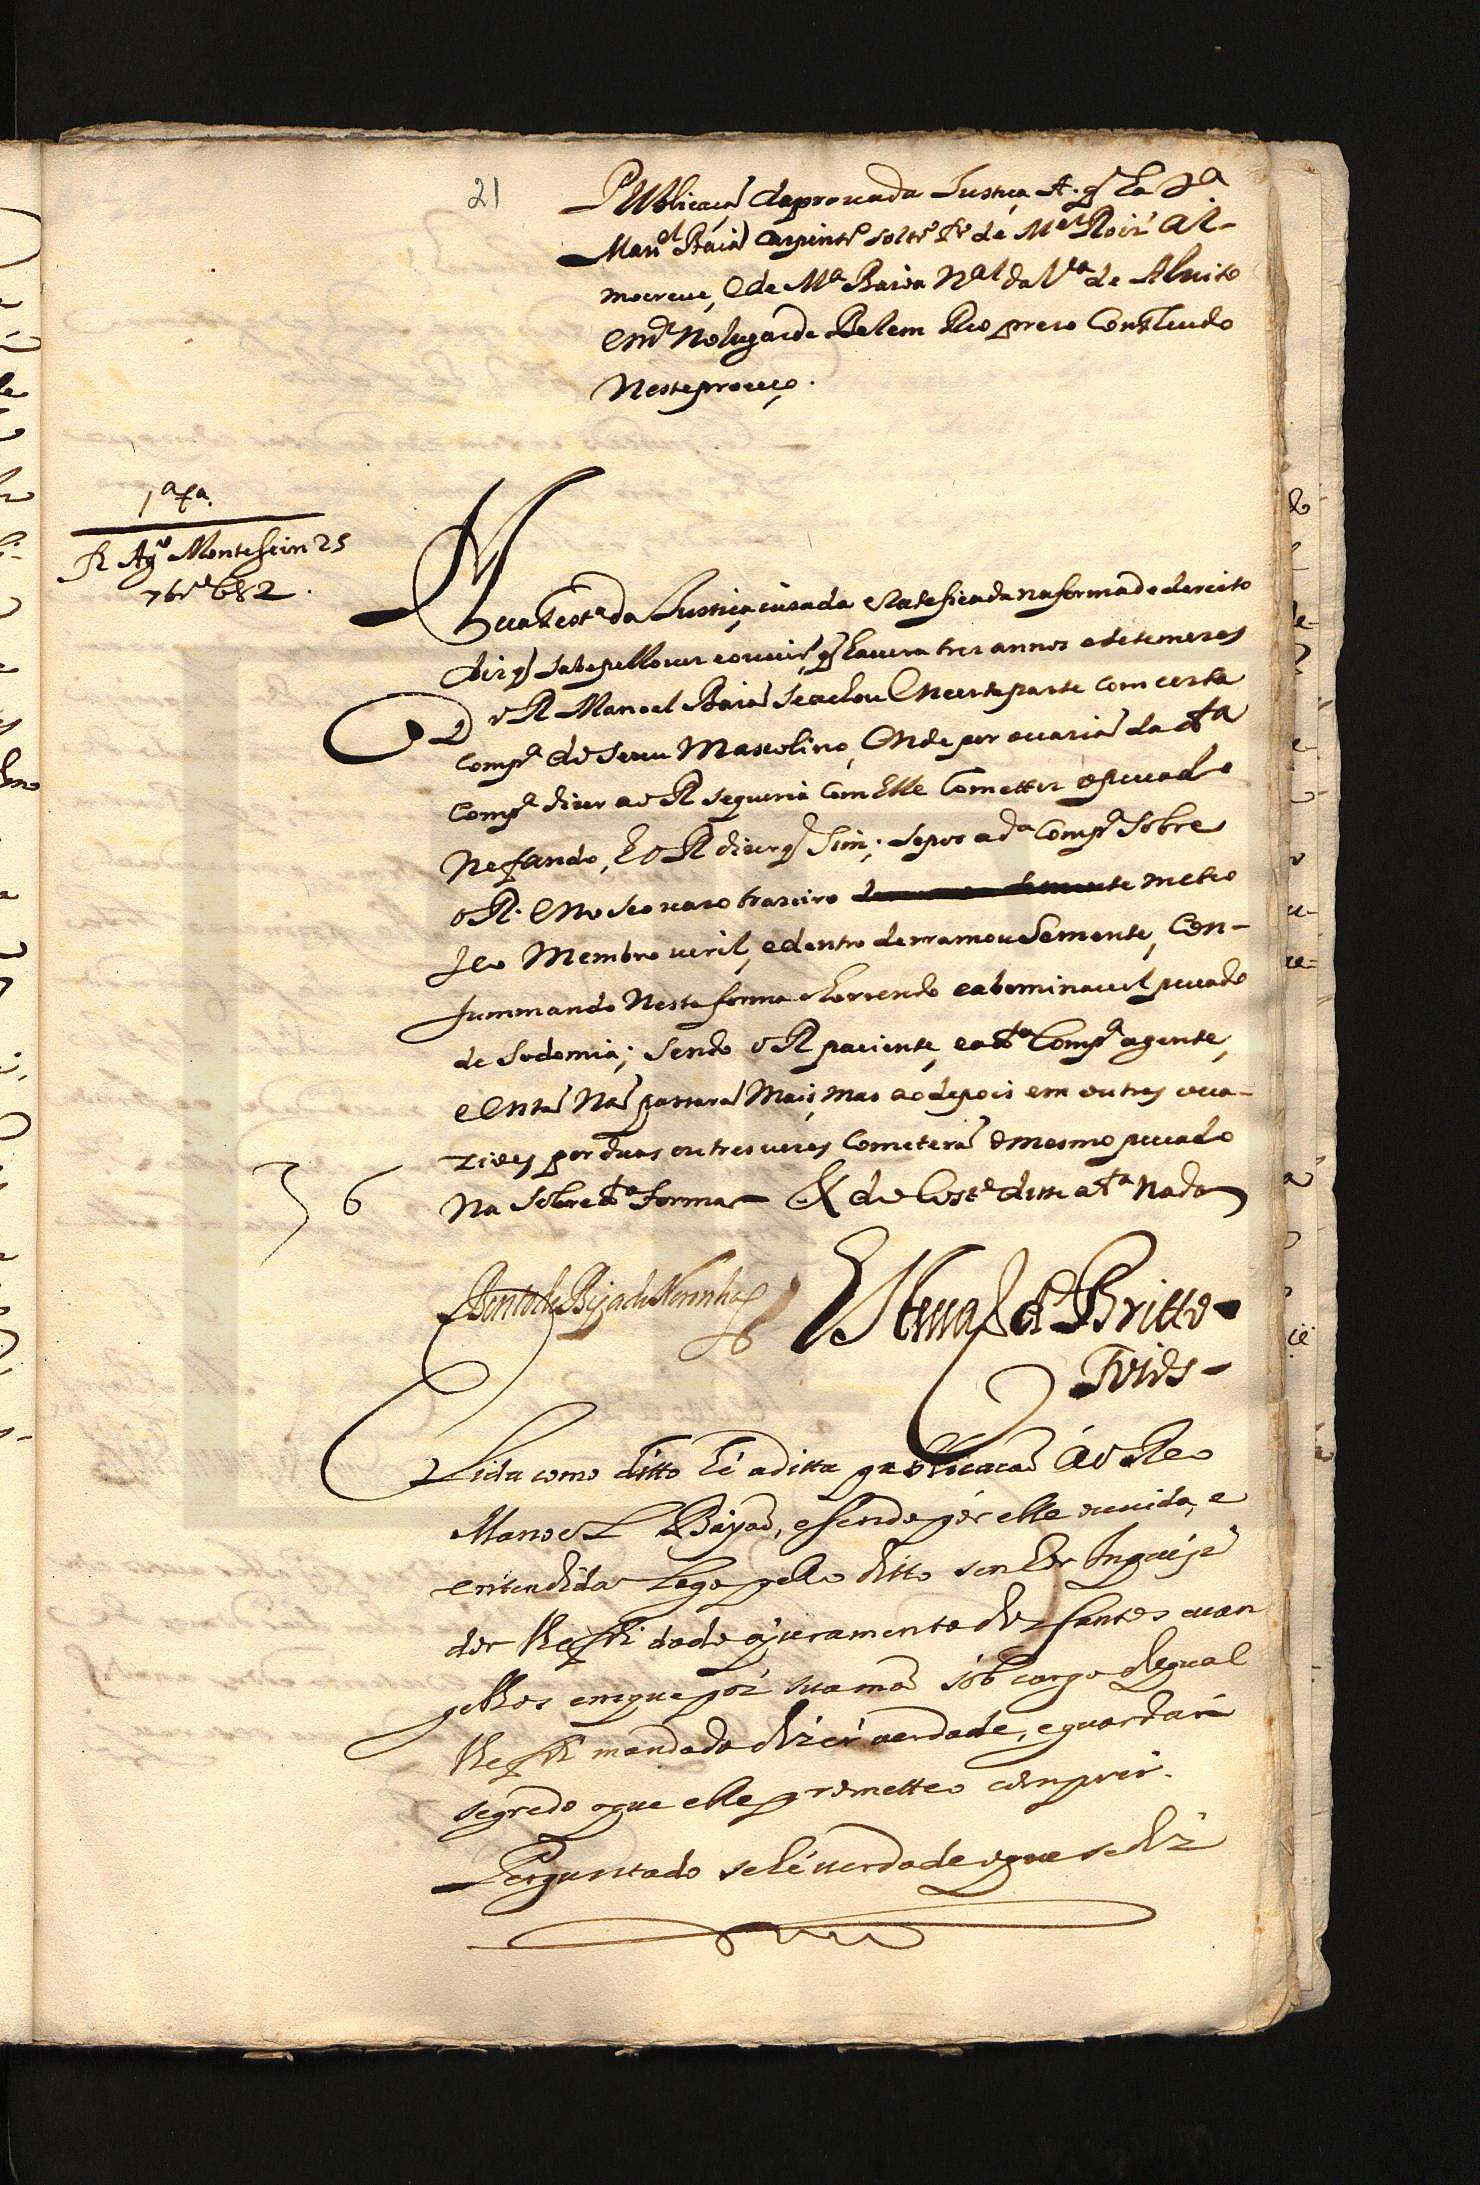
Publicaçaõ da proua da Iustiça A. q̄ he ta.
Man.el Baia carpintro soltr.o f.o de M.el Roiz̄ al
mocreue, e de M.a Baioa nal da Va de Aluito
e mor no lugar de Belem Reo prezo Contheudo
neste proceço.
1a ta.
R Ago Montessin 25
7bro 682
Hua Testa da Iustiça iurada e rateficada na forma do dereito
diz q̄ sabe pello uer e ouuir, q̄ hauera tres annos e sete mezes
q̄ o R Manoel Baia se achou En certa parte com certa
compa do sexu mascolino, onde por occaziaõ da d̄a
compa dizer ao R se queria com Elle Cometter o peccado
nefando, E o R. dizer q̄ sim; se pos a da Compa sobre
o R. e no seo uazo trazeiro d_ semente meteo
seo membro uiril, e dentro derramou semente, con
summando nesta forma o horrendo e abominauel peccado
de Sodomia; sendo o R paciente, e a d̄a Compa agente,
e entaõ naõ passaraõ mais, mas ao depois em outras occa
zioes por duas ou tres uezes cometeraõ o mesmo peccado
na sobred̄a forma & do Coste disse a ta nada
Bento de Beja de Noronha
Esteuaõ de Britto
Foios
E Lida como ditto hé a ditta publicação ao Reo
Manoel Bayaõ, e sendo por elle ouuida, e
entendida Logo pello ditto senhor Inquisi
dor lhe foi dado o juramento dos santos auan
gelhos em que poz sua maõ sob cargo do qual
lhe foi mandado dizer uerdade, e guardará
segredo o que elle prometteo conprir.
Perguntado se hé uerdade o que se diz
